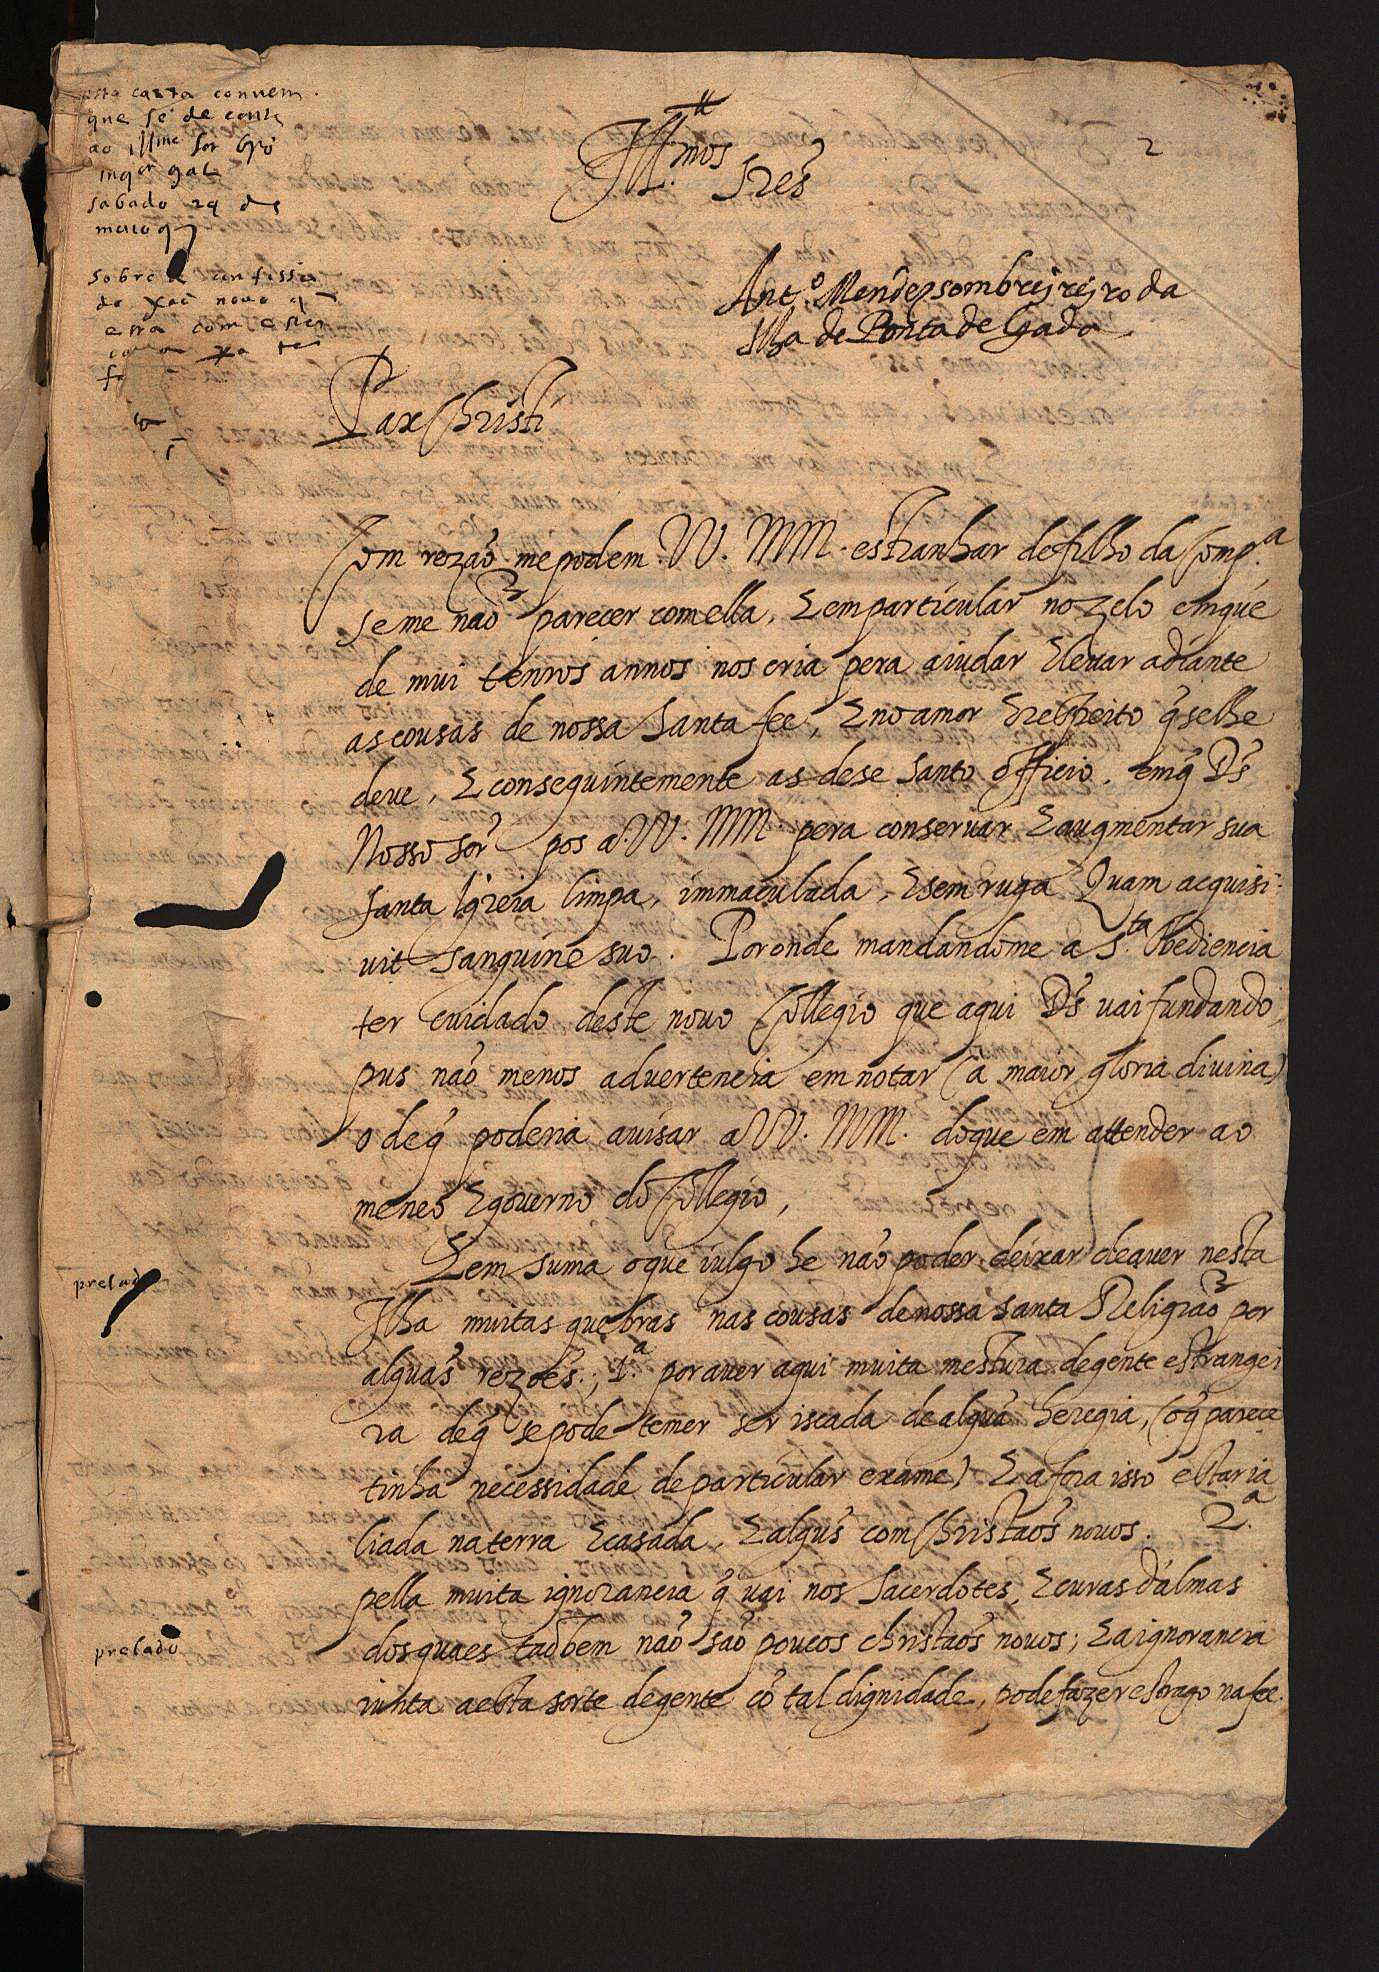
Jll.mos Sres̄
Anto Mendez sombrejrejro da
Ilha de Ponta delgada
Pax Christi
Com rezaõ me podem VV. MM. estranhar de filho da Comp.a
se me naõ pareçer com ella, E em particular no zelo em que
de mui tenros annos nos cria pera aiudar E leuar adiante
as cousas de nossa Santa fee, E no amor E respeito q̄ se lhe
deue, E conseguintemente as dese santo officio em q̄ Ds̄
Nosso sor̄ pos a VV. MM. pera conseruar E augmentar sua
Santa Igreia limpa, immaculada, E sem ruga Quam acquisi
uit sanguine suo. Por onde mandandome a S.ta Obediencia
ter cuidado deste nouo Collegio que aqui Ds̄ uai fundando,
pus naõ menos aduertencia em notar (a maior gloria diuina)
o de q̄ poderia auisar a VV. MM. do que em attender ao
meneo E gouerno do Collegio,
E em suma o que iulgo he naõ poder deixar de auer nesta
Jlha muitas quebras nas cousas de nossa santa Religiaõ por
alguas̄ rezoes̄; 1.a por auer aqui muita mestura de gente estrangei
ra de q̄ se pode temer ser iscada de alguā heregia, (o q̄ parece
tinha necessidade de particular exame) E afora isso estaria
liada na terra E casada E algus̄ com Christaõs nouos.
2.a
pella muita ignorancia q̄ uai nos Sacerdotes, E curas d'almas
dos quaes taõbem naõ saõ poucos christaõs nouos; E a ignorancia
iunta a esta sorte de gente cō tal dignidade, pode fazer estrago na fee.
prelad
prelado
esta carta conuem
que se de conta
ao illmo sor bpō
inqor gal
sabado 24 de
maio 97
sobre a confissā
do Xaō nouo q̄
esta com o Reo
co_a ꝑa ter
fa
